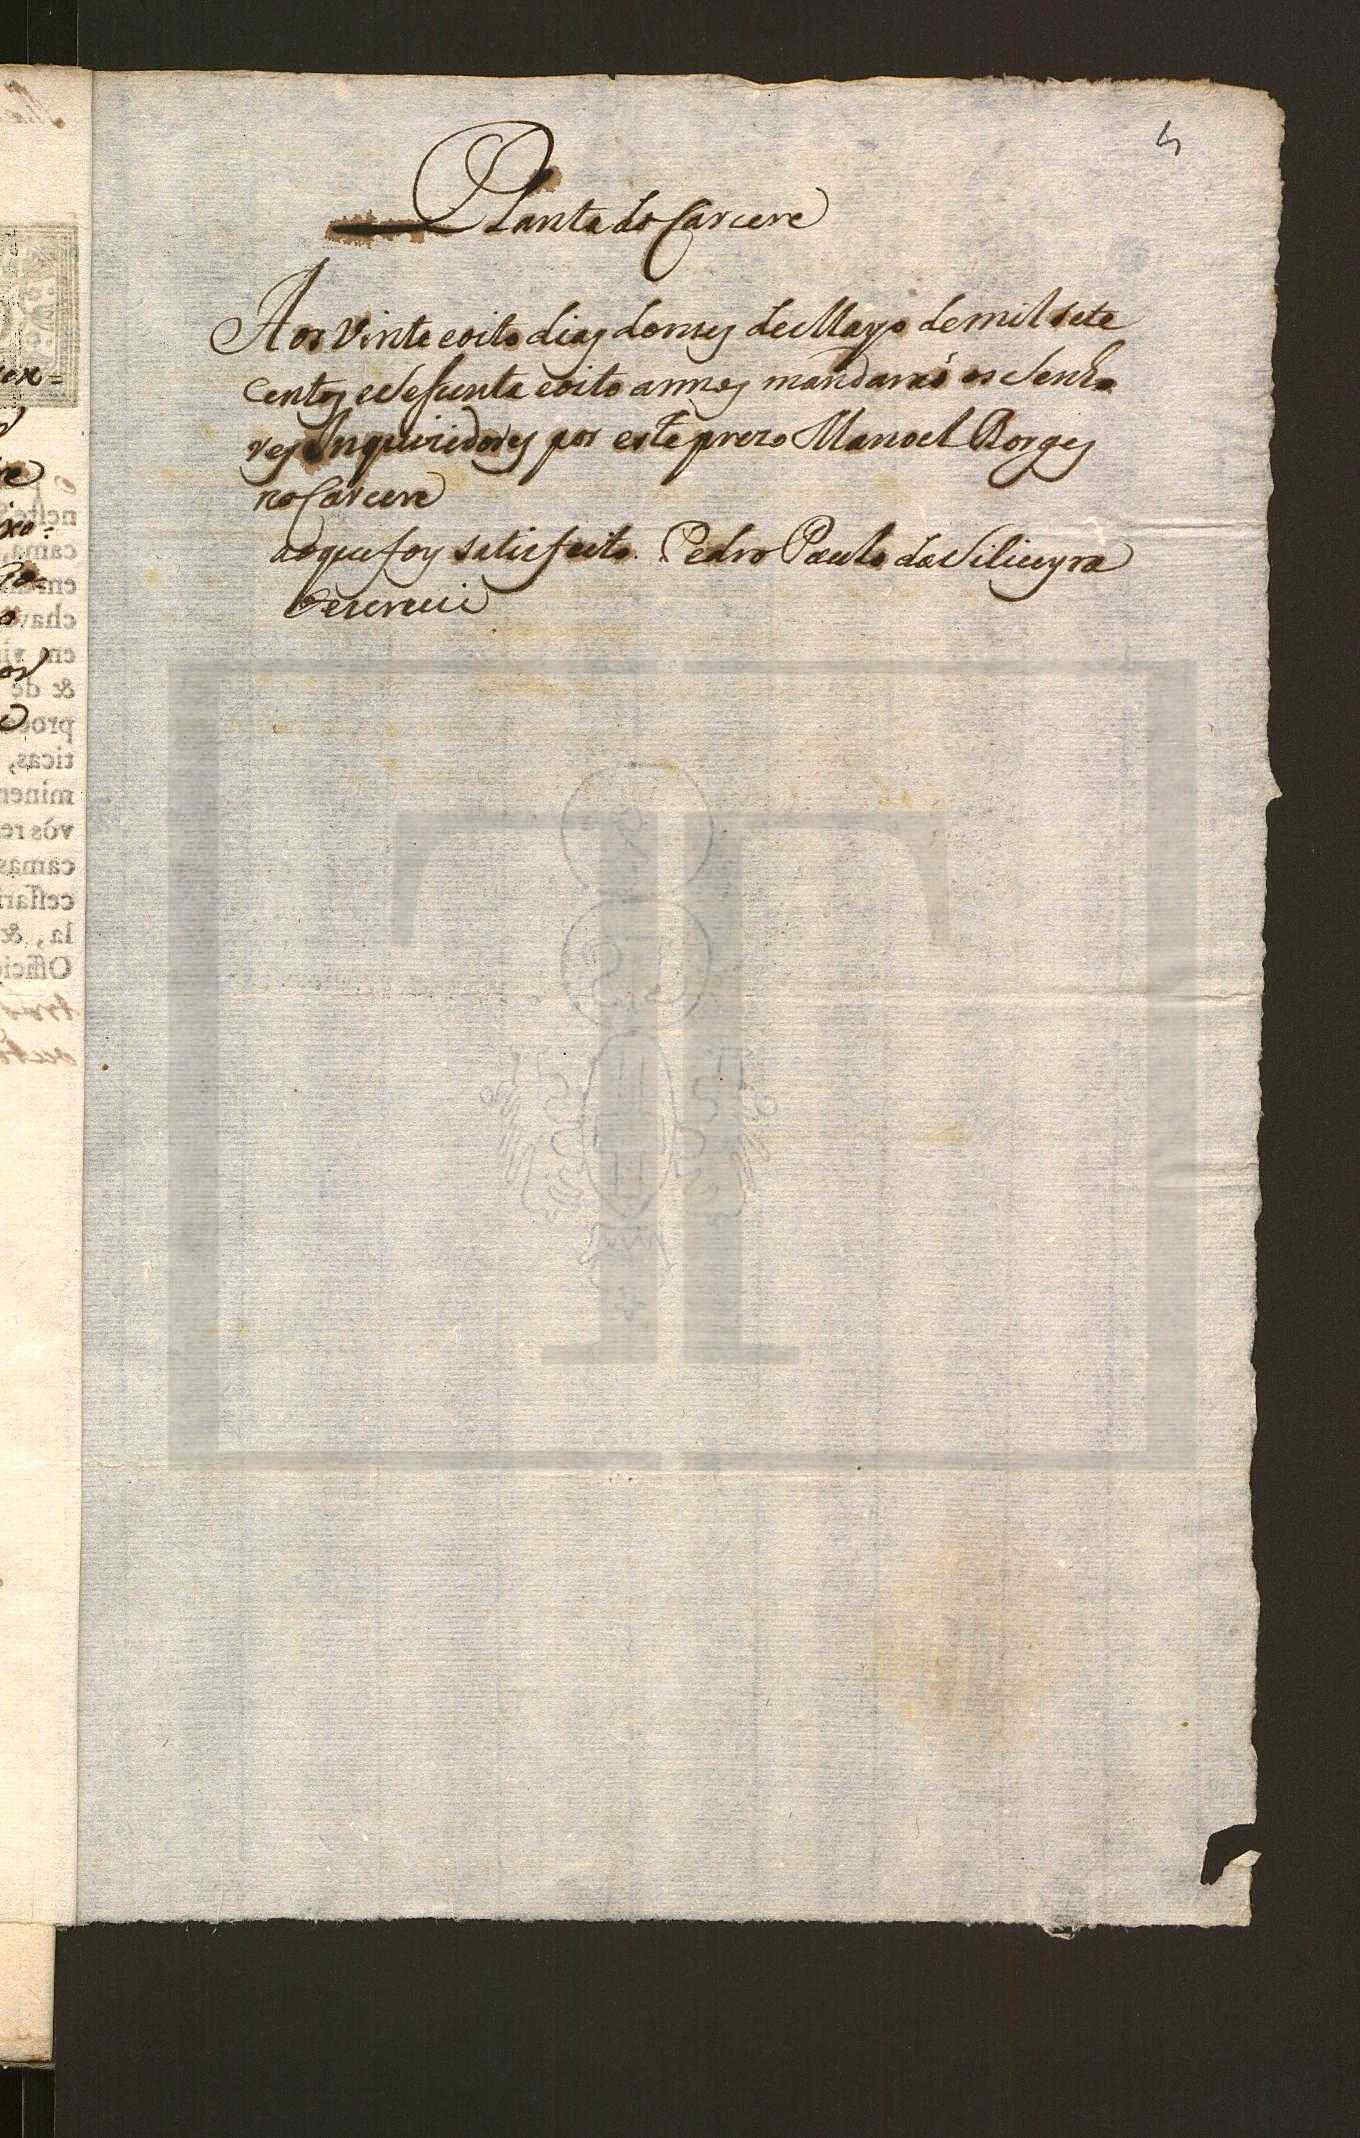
Planta do Carcere
Aos vinte e oito dias do mes de Mayo de mil sete
centos e sessenta e oito annos mandaraõ os Senho
res Inquizidores por este prezo Manoel Borges
no Carcere
ao que foy satisfeito. Pedro Paulo da Silueyra
o escreui
